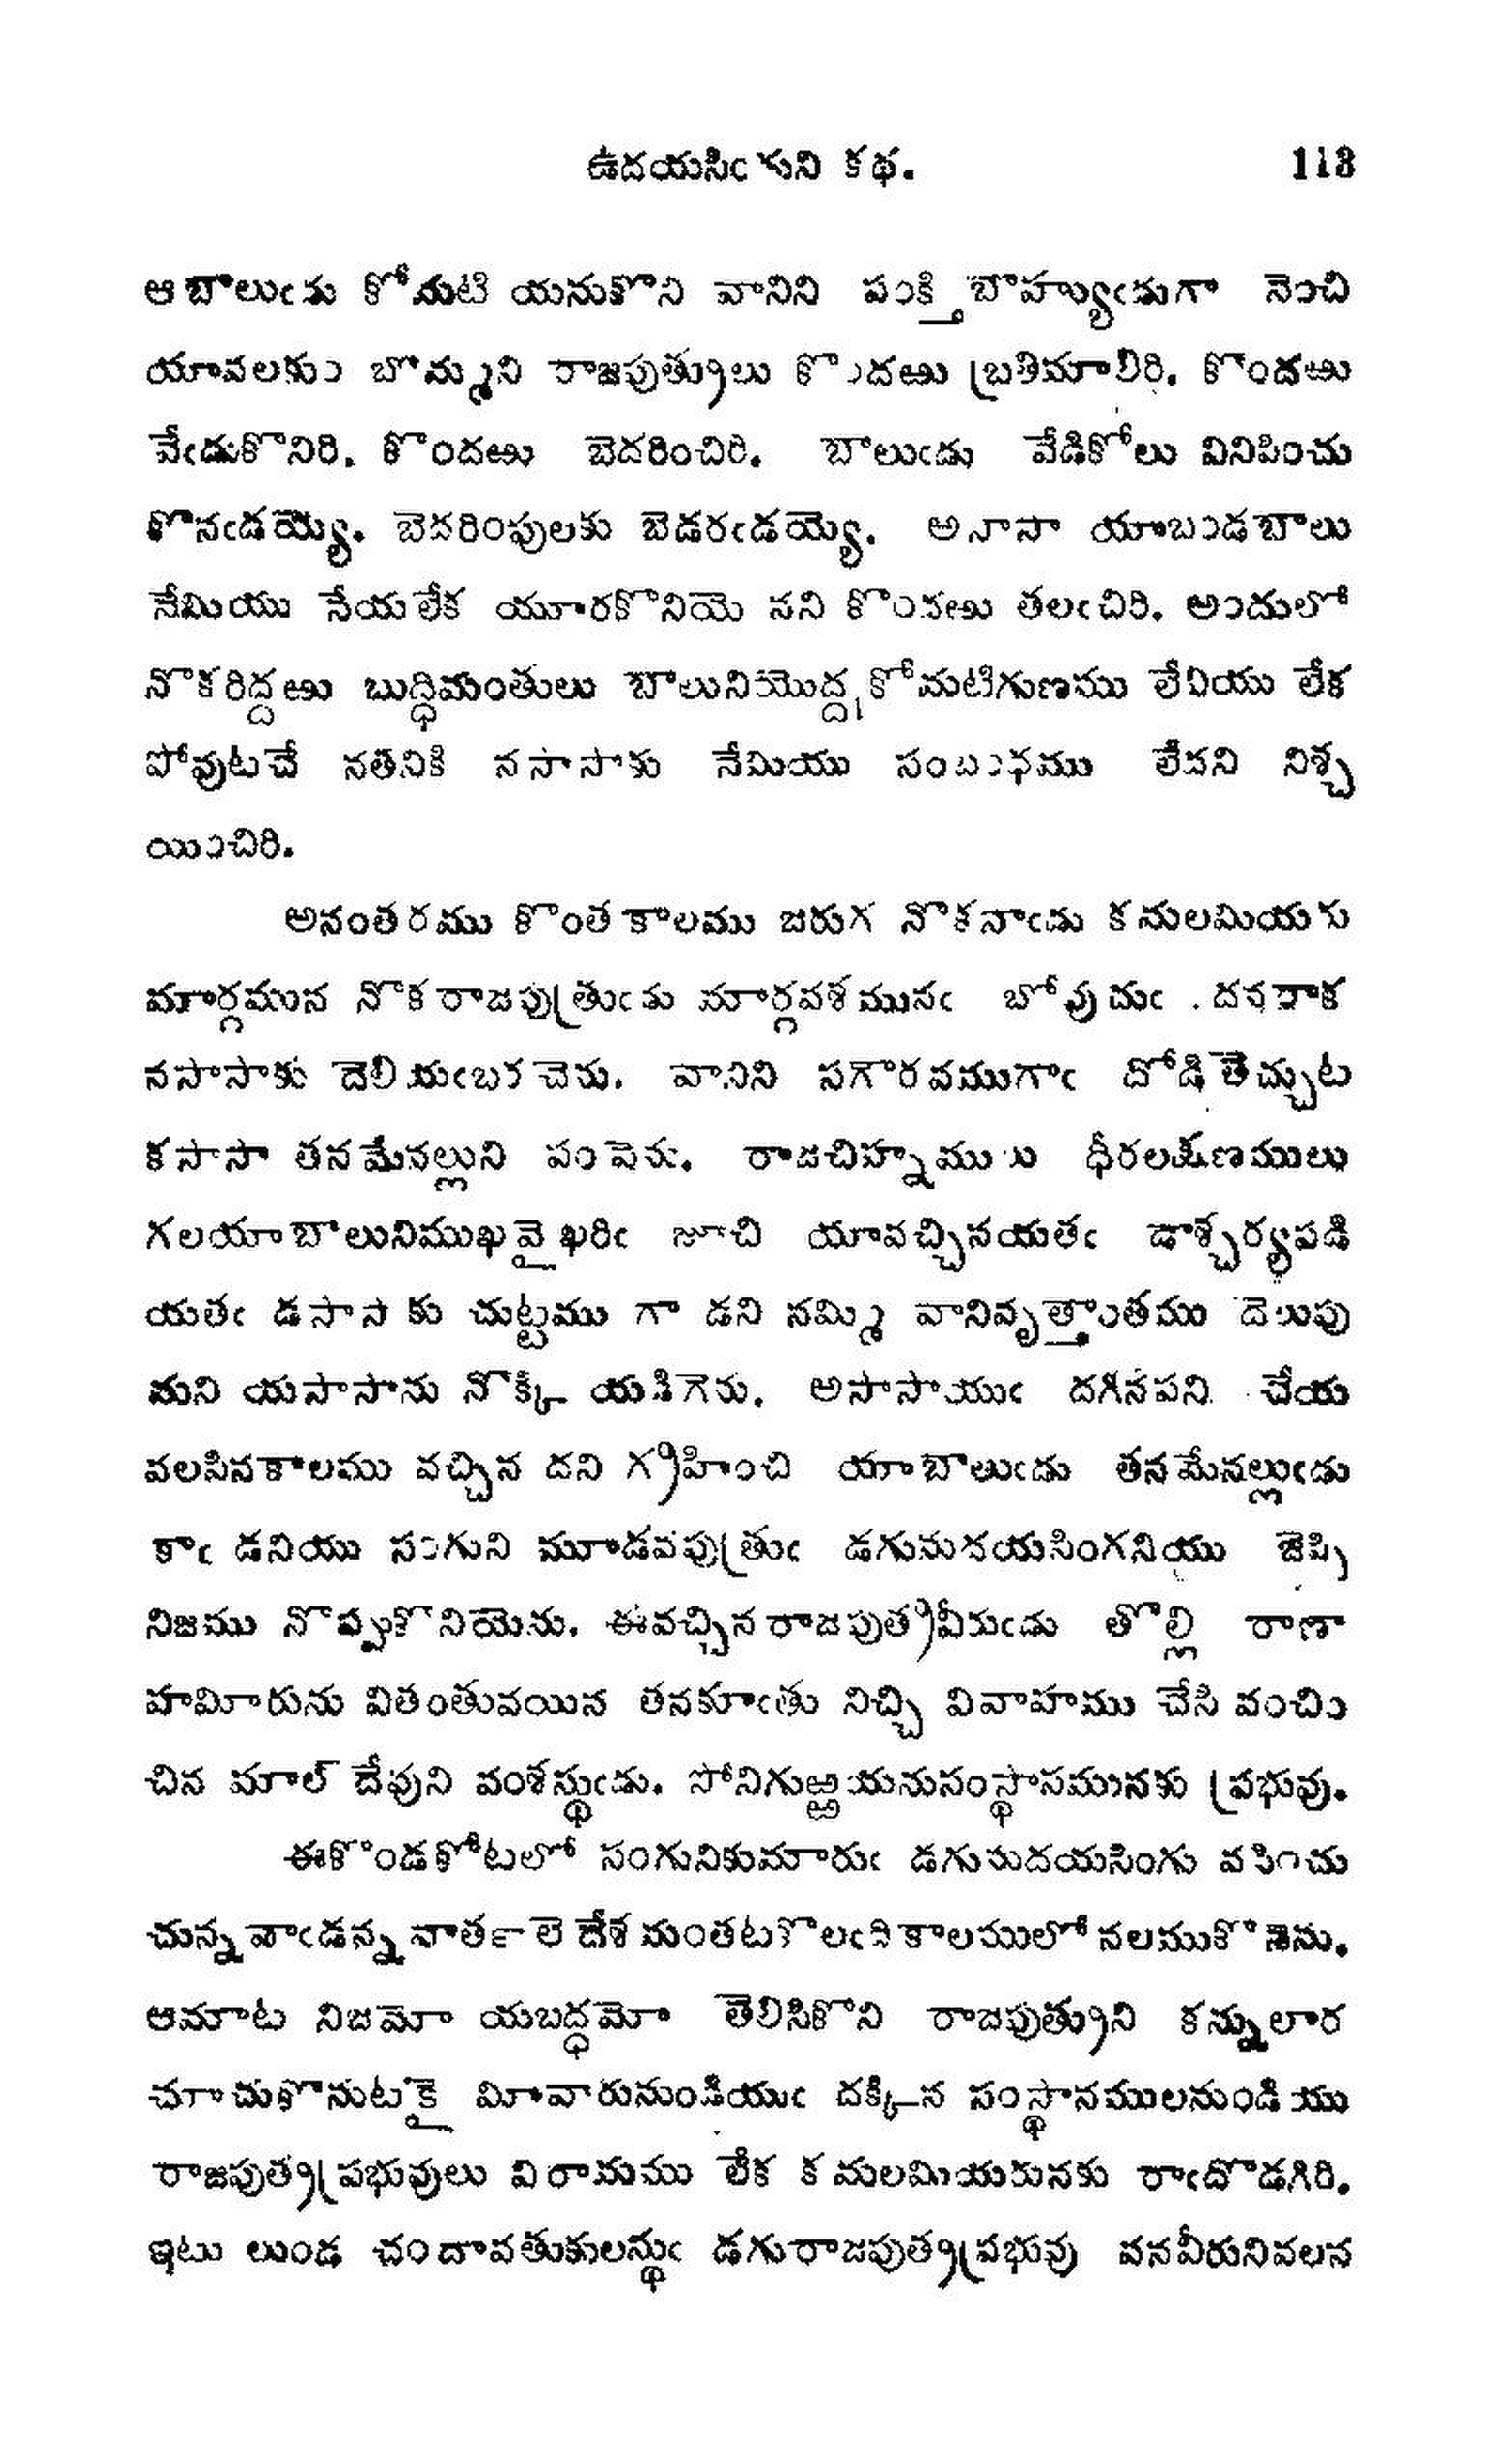ఆ బాలుఁడు కోమటి యనుకొని వానిని పంక్తి బాహ్యుఁడుగా నెంచి యాపలకుఁ బొమ్మని రాజపుత్రులు కొందఱు బ్రతిమాలిరి. కొందఱు
వేఁడుకొనిరి. కొందఱు బెదరించిరి. బాలుఁడు వేడికోలు వినిపించు కొనఁడయ్యె. బెదరింపులకు బెడరఁడయ్యె. అనాసా యాబండబాలు
నేమియు సేయ లేక యూరకొనియె నని కొందఱు తలఁచిరి. అందులో నొక రిద్దఱు బుద్ధిమంతులు బాలుని యొద్ద కోమటిగుణము లేవియు లేకపోవుటచే నతనికి నసాసాకు నేమియు సంబంధము లేదని నిశ్చయించిరి.

అనంతరము కొంత కాలము జరుగ నొకనాడు కమలమియరు మార్గమున నొక రాజపుత్రుఁడు మార్గవశమునఁ బోవుచుఁ దనరాక నసాసాకు దెలియఁబరచెను. వానిని సగౌరవముగాఁ దోడి తెచ్చుట కసాసా తన మేనల్లుని పంపెను. రాజచిహ్నములు ధీరలక్షణములు గలయా బాలునిముఖ వైఖరిఁ జూచి యావచ్చినయతం డాశ్చర్యపడి యతఁ డసాసా కు చుట్టము గాడని నమ్మి వానివృత్తాంతము దెలుపుమని యసాసాను నొక్కి యడిగెను. అసాసాయుఁ దగినపని చేయవలసిన కాలము వచ్చిన దని గ్రహించి యాబాలుఁడు తన మేనల్లుఁడు
కాఁ డనియు సంగుని మూడవ పుత్రుఁ డగునుదయసింగనియు జెప్పి నిజము నొప్పుకొనియెను. ఈవచ్చిన రాజపుత వీరుఁడు తొల్లి రాణా
హమీరును వితంతువయిన తనకూఁతు నిచ్చి వివాహము చేసి వంచించిన మాల్ దేవుని వంశస్థుఁడు. సోనిగుఱ్ఱయను సంస్థానమునకు ప్రభువు.

ఈకొండగోటలో సంగునికుమారుఁ డగునుదయసింగు వసించుచున్న వాఁడన్న వాత౯లె దేశ మంతటకొలఁది కాలములో నలముకోనెను.
ఆమాట నిజమో యబద్ధమో తెలిసికొని రాజపుత్రుని కన్నులార చూచుకొనుటకై మీవారునుండియుఁ దక్కిన సంస్థానములనుండియు
రాజపుత ప్రభువులు విరామము లేక కమలమియకునకు రాదొడగిరి.ఇటు లుండ చందావతుకులస్థుఁ డగు రాజపుత్ర ప్రభువు వనవీరునివలన